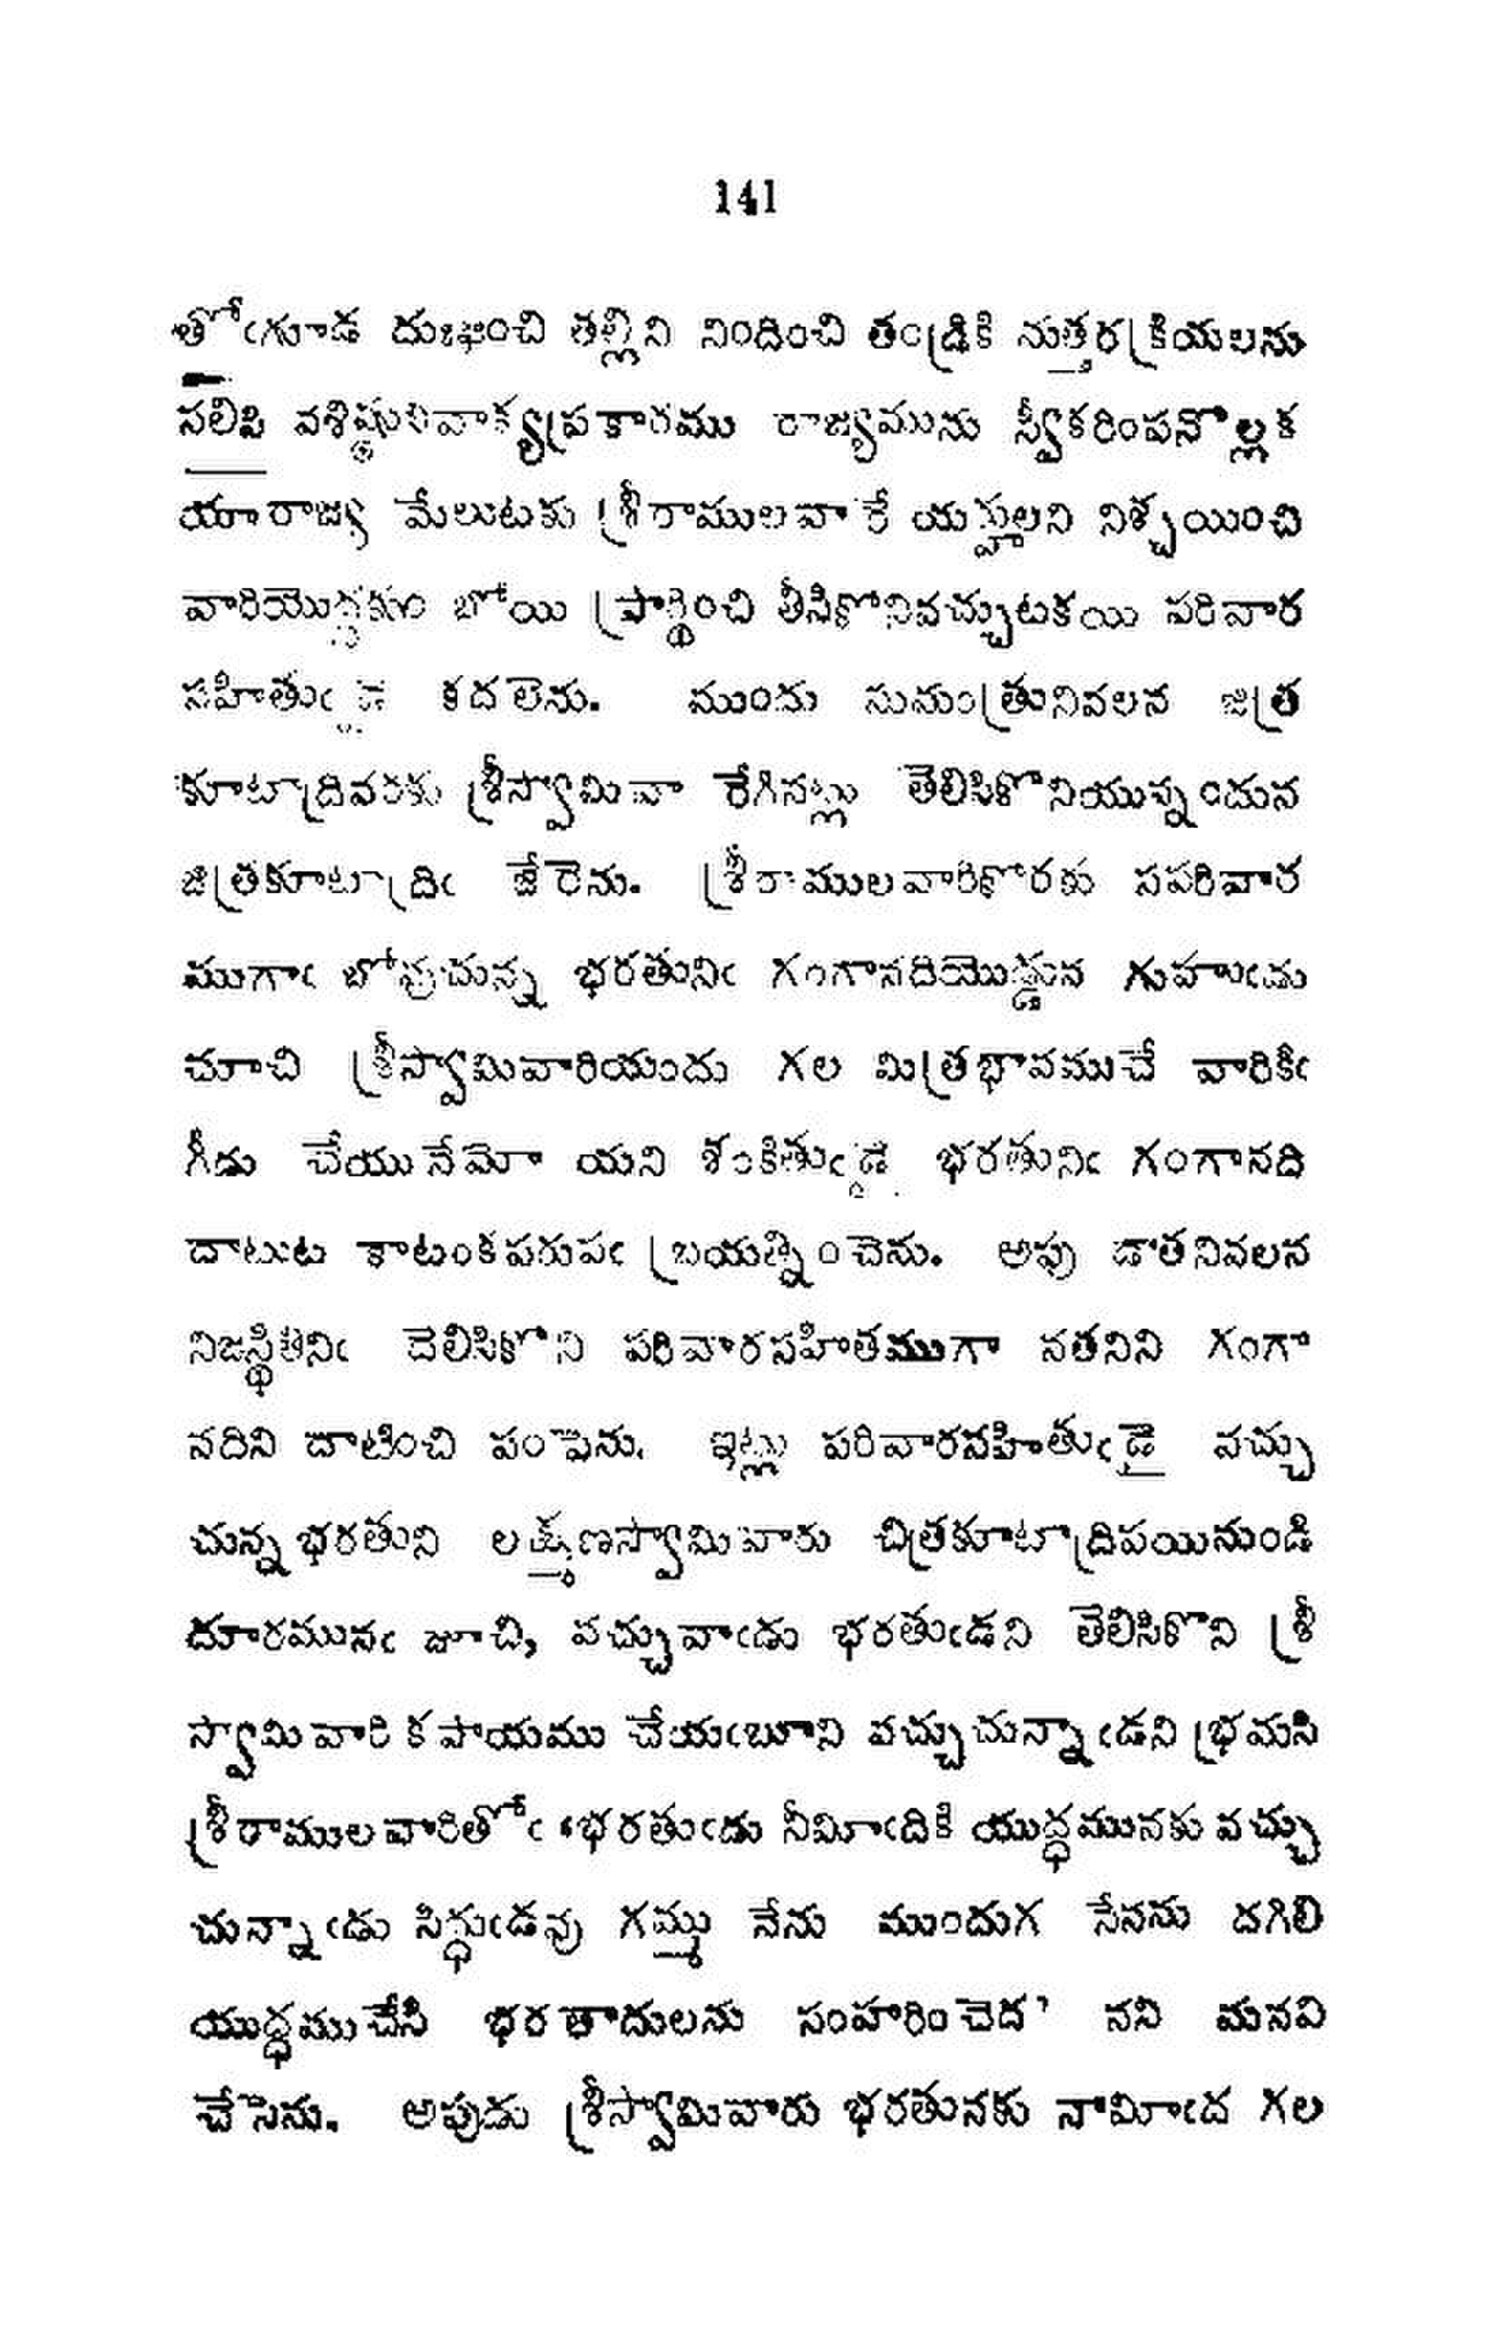తోఁగూడ దుఃఖించి తల్లిని నిందించి తండ్రికి నుత్తరక్రియలను సలిపి వశిష్ఠునివాక్యప్రకారము రాజ్యమును స్వీకరింపనొల్లక యారాజ్య మేలుటకు శ్రీరాములవారే యర్హులని నిశ్చయించి
వారియొద్దకుం బోయి ప్రార్థించి తీసికొనివచ్చుటకయి పరివారసహితుఁడై కదలెను. ముందు సుమంత్రునివలన జిత్రకూటాద్రివరకు శ్రీస్వామివా రేగినట్లు తెలిసికొనియున్నందున జిత్రకూటాద్రిఁ జేరెను. శ్రీరాములవారికొరకు సపరివారముగాఁ బోవుచున్న భరతునిఁ గంగానదియొడ్డున గుహుఁడు
చూచి శ్రీస్వామివారియందు గల మిత్రభావముచే వారికిఁ గీడు చేయునేమో యని శంకితుఁడై భరతునిఁ గంగానది దాటుట కాటంకపరుపఁ బ్రయత్నించెను. అపు డాతనివలన నిజస్థితినిఁ దెలిసికొని పరివారసహితముగా నతనిని గంగానదిని దాటించి పంపెను. ఇట్లు పరివారసహితుఁడై వచ్చుచున్న భరతుని లక్ష్మణస్వామివారు చిత్రకూటాద్రిపయినుండి దూరమునఁ జూచి, వచ్చువాఁడు భరతుఁడని తెలిసికొని శ్రీస్వామివారి కపాయము చేయఁబూని వచ్చుచున్నాఁడని భ్రమసి
శ్రీరాములవారితోఁ 'భరతుఁడు నీమీఁదికి యుద్ధమునకు వచ్చు చున్నాఁడు సిద్ధుఁడవు గమ్ము నేను ముందుగ సేనను దగిలి యుద్ధముచేసి భరతాదులను సంహరించెద' నని మనవి చేసెను. అపుడు శ్రీస్వామివారు భరతునకు నామీఁద గల